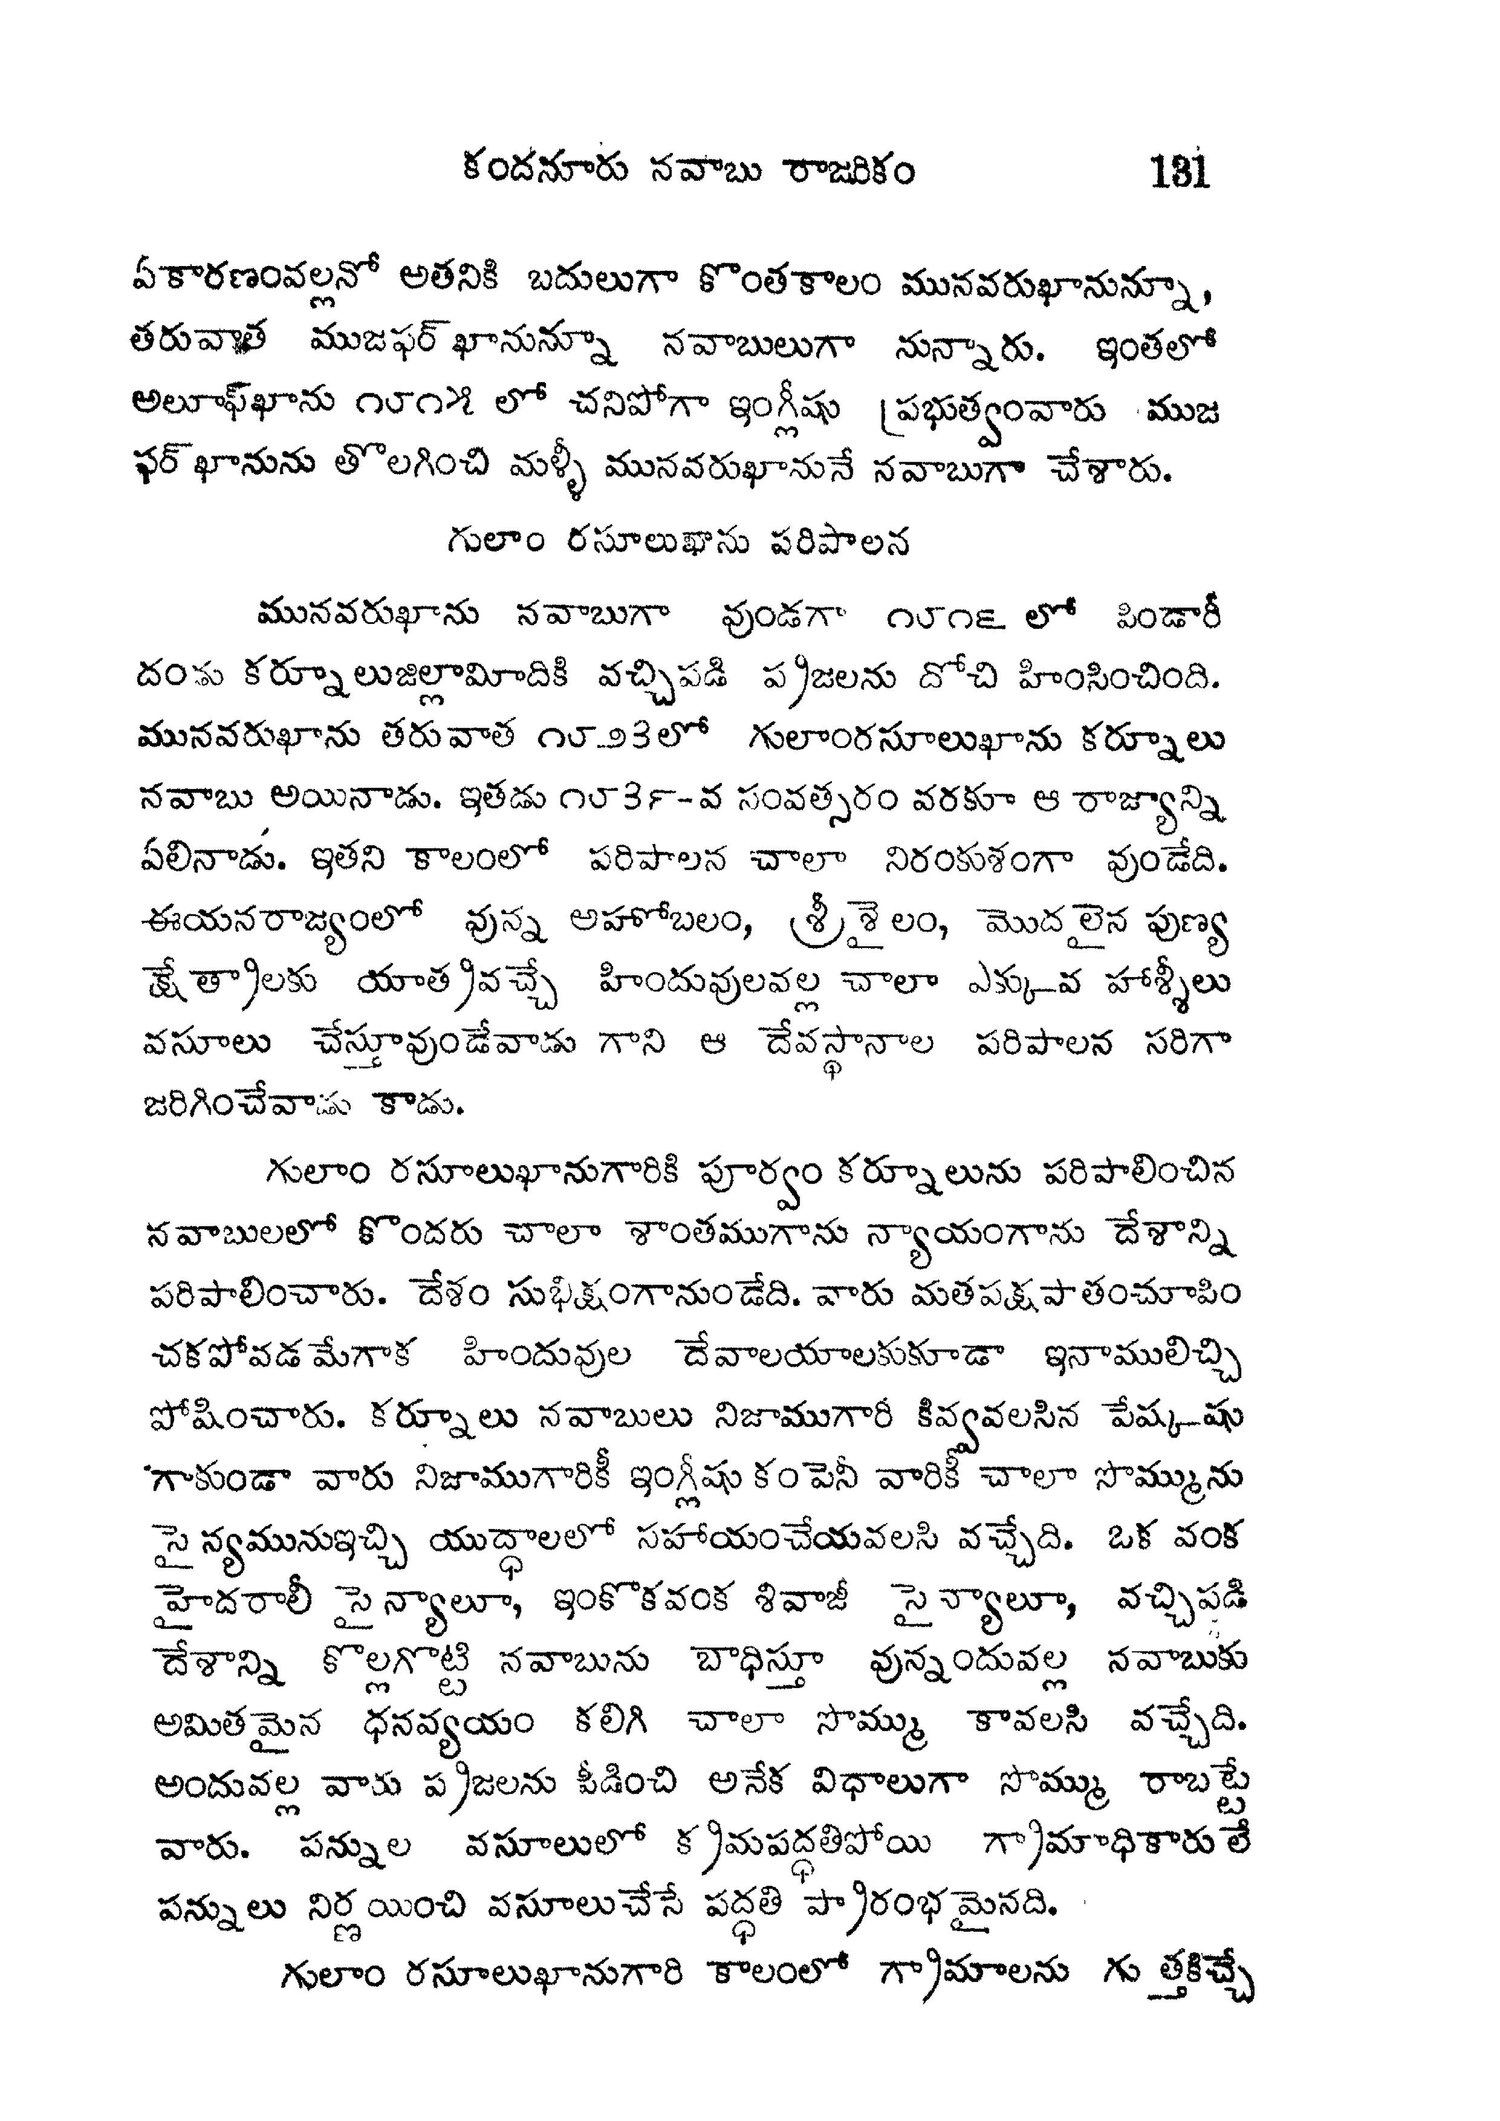ఏకారణంవల్లనో అతనికి బదులుగా కొంతకాలం మునవరుఖానున్నూ, తరువత ముజఫర్ ఖానున్నూ నవాబులుగ నున్నారు. ఇంతలో ఆలూఫ్ ఖాను 1815 లో చనిపోగా ఇంగ్లీషు ప్రభుత్వంవారు ముజఫర్ ఖానును తొలగించి మళ్ళీ మునవరుఖానునే నవాబుగా చేశారు.

మునవరుఖారు నవాబుగా వుండగా 1816 లో పిండారీ దండు కర్నూలుజిల్లామీదికి వచ్చిపడి ప్రజలను దోచి హింసించింది. మునవరుఖాను తరువాత 1823 లో గులాంరసూలుఖాను కర్నూలు నవాబు అయినాడు. ఇతడు 1839 వ సంవత్సరం వరకూ ఆ రాజ్యాన్ని ఏలినాడు. ఇతని కాలంలో పరిపాలన చాలా నిరంకుశంగా వుండేది. ఈయనరాజ్యంలో వున్న అహోబలం, శ్రీశైలం, మొదలైన పుణ్యక్షేత్రాలకు యాత్రవచ్చే హిందువులవల్ల చాలా ఎక్కువ హాశ్శీలు వసూలు చేస్తూవుండేవాడు గాని ఆ దేవస్థానాల పరిపాలన సరిగా జరిగించేవాడు కాదు.

గులాం రసూలుఖానుగారికి పూర్వం కర్నూలును పరిపాలించిన నవాబులలో కొందరు చాలా శాంతముగాను న్యాయముగాను దేశాన్ని పరిపాలించారు. దేశం సుభిక్షంగా నుండేది. వారు మతపక్షపాతం చూపించకపో వడమేగాక హిందువుల దేవాలయాలను కూడా ఇనాములిచ్చి పోషించారు. కర్నూలు నవాబులు నిజాముగారి కివ్వవలసిన పేష్కషు గాకుండా వారు నిజాముగారికీ ఇంగ్లీషు కంపెనీ వారికి చాలా సొమ్మును సైన్యమునుఇచ్చి యుధ్దాలలో సహాయంచేయవలసి వచ్చేది. ఒక వంక హైదరాలీ సైన్యాలూ, ఇంకొకవంక శివాజీ సైన్యాలూ, వచ్చిపడి దేశాన్ని కొల్లగొట్టి నవాబును బాధిస్తూ వున్నందువల్ల నవాబుకు అమితమైన ధనవ్యయం కలిగి చాలా సొమ్ము కావలసి వచ్చేది. అందువల్ల వారు ప్రజలను పీడించి అనేక విధాలుగా సొమ్ము రాబట్టే వారు. పన్నుల వసూలులో క్రమపద్దతిపోయి గ్రామాధికారులే పన్నులు నిర్ణయించి వసూలుచేసే పద్ధతి ప్రారంభమైనది.

గులాం రసూలుఖానుగారి కాలంలో గ్రామాలను గుత్తకిచ్చే